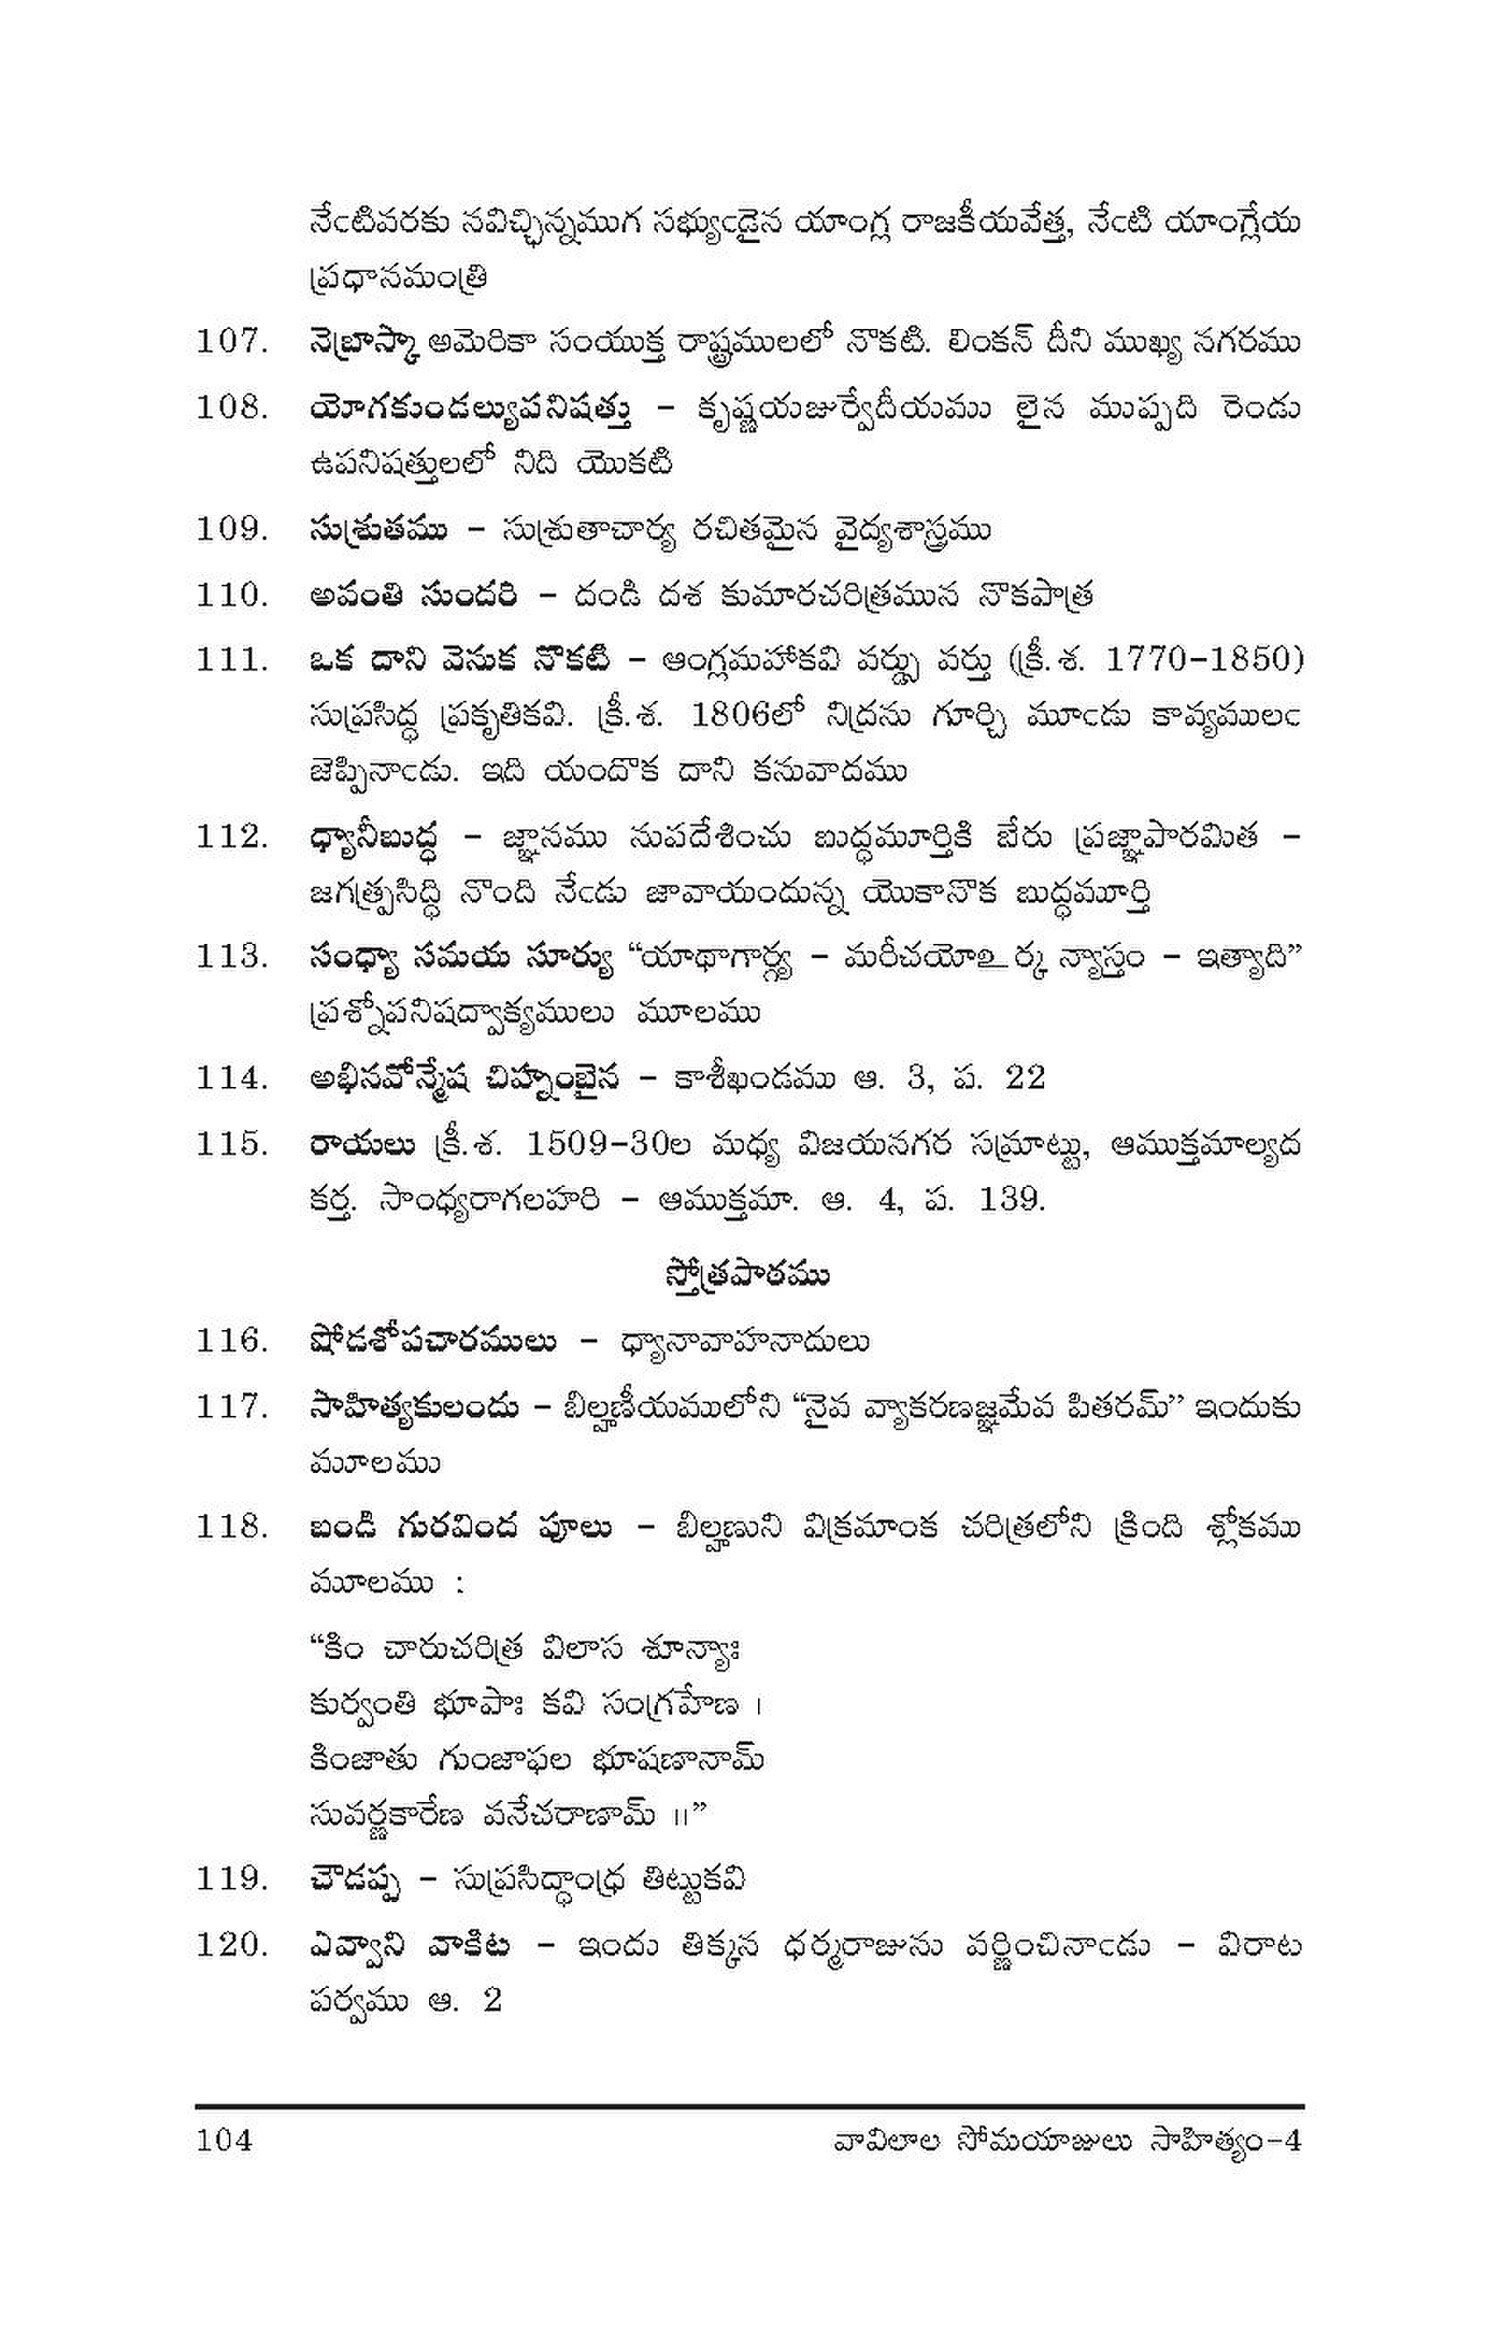నేఁటివరకు నవిచ్ఛిన్నముగ సభ్యుఁడైన యాంగ్ల రాజకీయవేత్త, నేఁటి యాంగ్లేయ
ప్రధానమంత్రి

107. నెబ్రాస్కా అమెరికా సంయుక్త రాష్ట్రములలో నొకటి. లింకన్ దీని ముఖ్య నగరము

108. యోగకుండల్యుపనిషత్తు - కృష్ణయజుర్వేదీయము లైన ముప్పది రెండు
ఉపనిషత్తులలో నిది యొకటి

109. సుశ్రుతము - సుశ్రుతాచార్య రచితమైన వైద్యశాస్త్రము

110. అవంతి సుందరి - దండి దశ కుమారచరిత్రమున నొకపాత్ర

111. ఒక దాని వెనుక నొకటి - ఆంగ్లమహాకవి వర్డు వర్తు (క్రీ.శ. 1770-1850)
సుప్రసిద్ధ ప్రకృతికవి. క్రీ.శ. 1806లో నిద్రను గూర్చి మూఁడు కావ్యములఁ
జెప్పినాఁడు. ఇది యందొక దాని కనువాదము

112.ధ్యానీబుద్ధ - జ్ఞానము నుపదేశించు బుద్ధమూర్తికి బేరు ప్రజ్ఞాపారమిత 
జగత్ప్రసిద్ధి నొంది నేఁడు జావాయందున్న యొకానొక బుద్ధమూర్తి

113.సంధ్యా సమయ సూర్యు "యాథాగార్గ్య - మరీచయో౽ర్క న్యాస్తం - ఇత్యాది”
ప్రశ్నోపనిషద్వాక్యములు మూలము

114. అభినవోన్మేష చిహ్నంబైన - కాశీఖండము ఆ. 3, ప. 22

115. రాయలు క్రీ.శ. 1509-30ల మధ్య విజయనగర సమ్రాట్టు, ఆముక్తమాల్యద
కర్త. సాంధ్యరాగలహరి - ఆముక్తమా. ఆ. 4, ప. 139.

116. షోడశోపచారములు ధ్యానావాహనాదులు

117. సాహిత్యకులందు - బిల్హణీయములోని "నైవ వ్యాకరణజ్ఞమేవ పితరమ్” ఇందుకు
మూలము

118. బండి గురవింద పూలు బిల్హణుని విక్రమాంక చరిత్రలోని క్రింది శ్లోకము
మూలము :

"కిం చారుచరిత్ర విలాస శూన్యాః
కుర్వంతి భూపాః కవి సంగ్రహేణ |
కింజాతు గుంజాఫల భూషణానామ్
సువర్ణకారేణ వనేచరాణామ్ ||"

119. చౌడప్ప - సుప్రసిద్ధాంధ్ర తిట్టుకవి

120. ఎవ్వాని వాకిట - ఇందు తిక్కన ధర్మరాజును వర్ణించినాఁడు - విరాట
పర్వము ఆ. 2